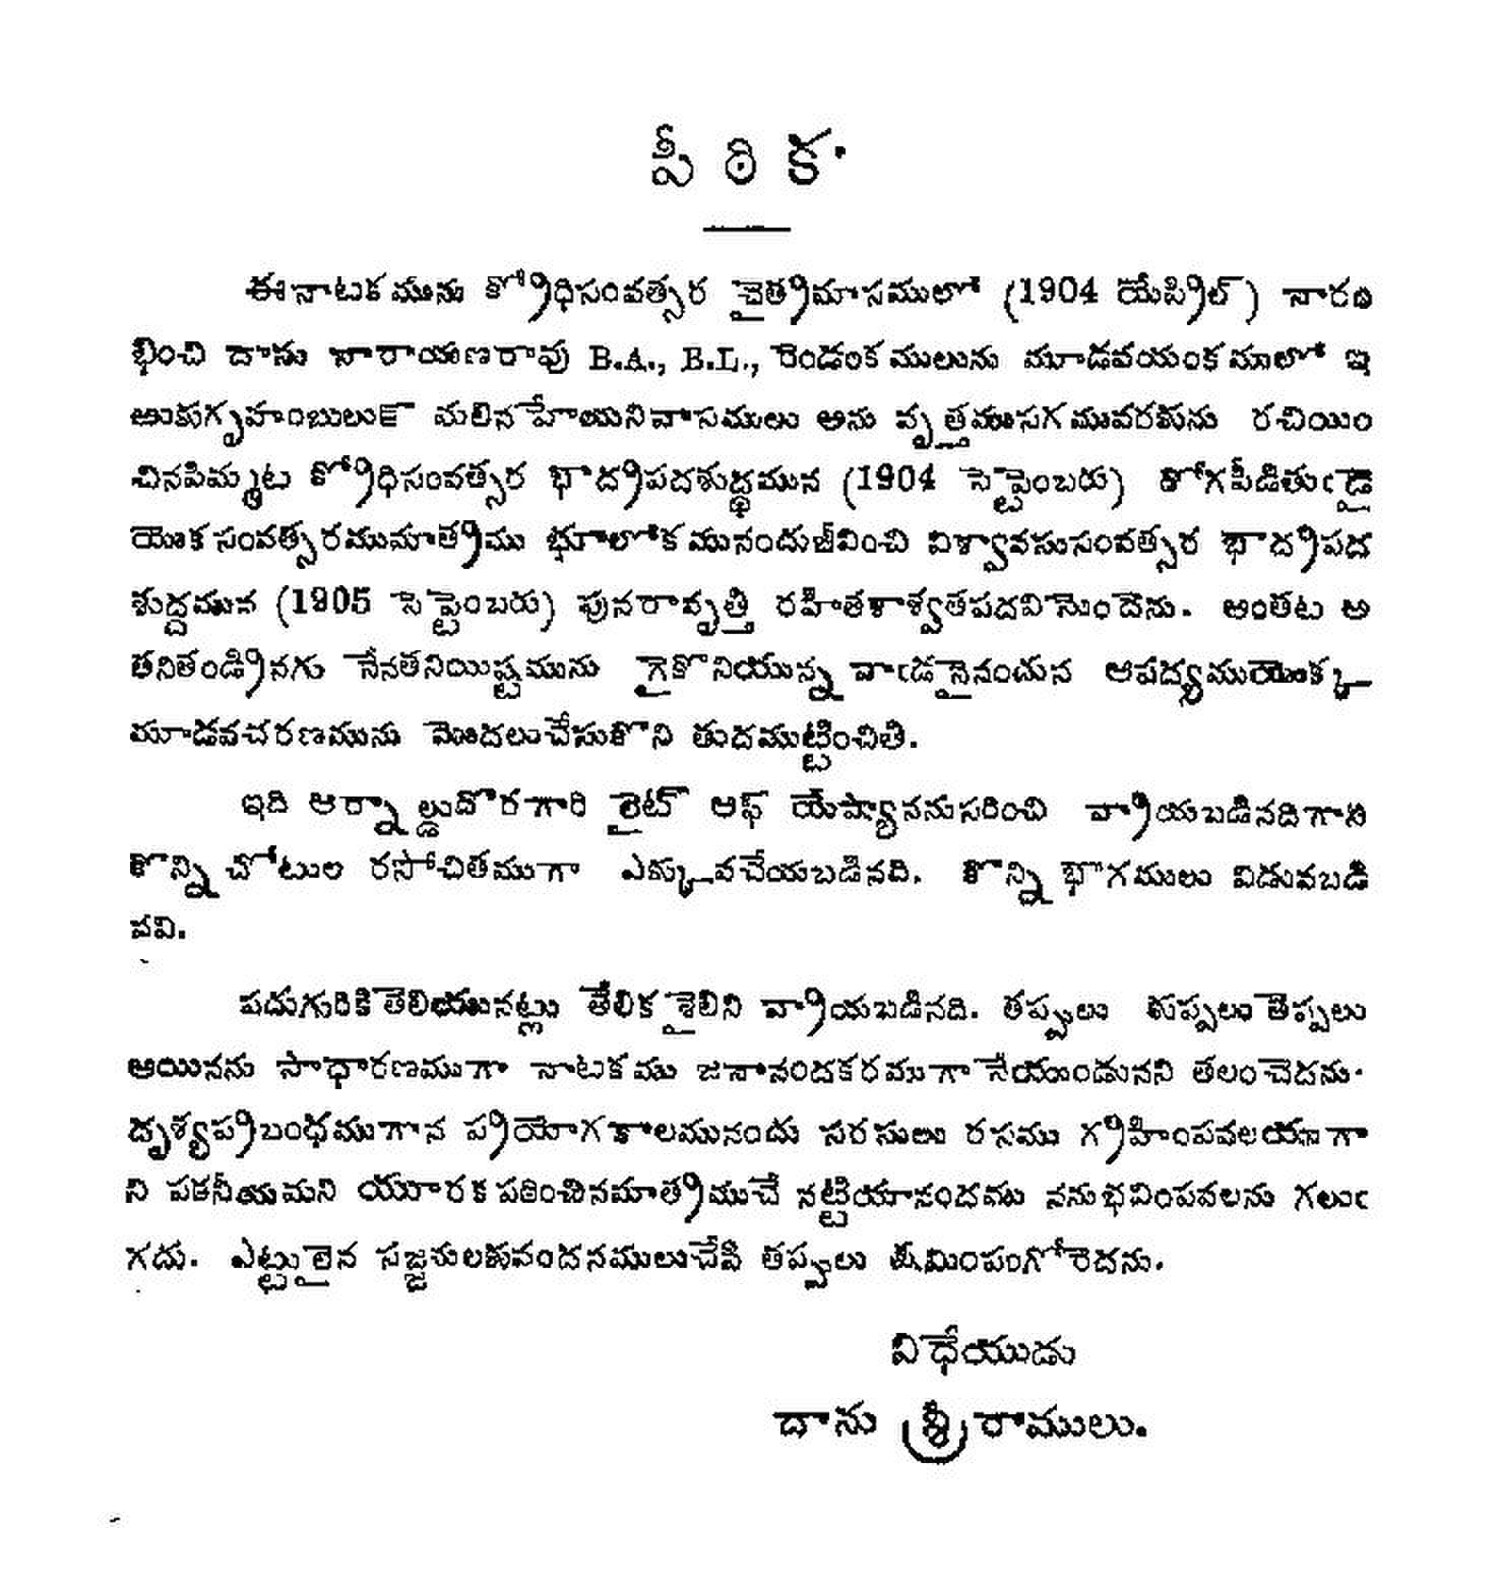పీఠిక 

ఈ నాటకమును క్రోధిసంవత్సర చైత్రమాసములో (1904 యేప్రిల్‌) నారంభించి దాసు నారాయణరావు B.A.,B.L. రెండంకములును మూడవయంకములో ఇఱుకుగృహంబులు౯ మలినహేయనివాసములు అను వృత్తము సగము వరకును రచియించిన పిమ్మట క్రోధిసంవత్సర భాద్రపద శుద్ధమున (1904 సెప్టెంబరు) రోగపీడితుఁడై యొక సంవత్సరము మాత్రము భూలోకమునందు జీవించి విశ్వావసు సంవత్సర భాద్రపద శుద్ధమున (1905 సెప్టెంబరు) పునరావృత్తి రహితశాశ్వతపదవి నొందెను. అంతట అతని తండ్రినగు నేనతని యిష్టమును గైకొనియున్న వాఁడనైనందున అ పద్యముయొక్క మూడవ చరణమును మొదలు చేసుకొని తుదముట్టించితి.

ఇది ఆర్నాల్డుదొరగారి లైట్‌ అఫ్‌ యేష్యాననుసరించి వ్రాయబడినది గాన కొన్ని చోటుల రసోచితముగా ఎక్కువచేయబడినది. కొన్ని భాగములు విడువబడినవి. 

పదుగురికి తెలియునట్లు తేలిక శైలిని వ్రాయబడినది. తప్పులు కుప్పలుతెప్పలు అయినను సాధారణముగా నాటకము జనానందకరముగానే యుండునని తలంచెదను. దృశ్య ప్రబంధముగాన ప్రయోగ కాలమునందు సరసులు రసము గ్రహింపవలయుగాని పఠనీయమని యూరక పఠించిన మాత్రముచే నట్టియానందము ననుభవింపవలను గలుఁగదు. ఎట్టులైన సజ్జనులకు వందనములు చేసి తప్పులు క్షమింపంగోరెదను.